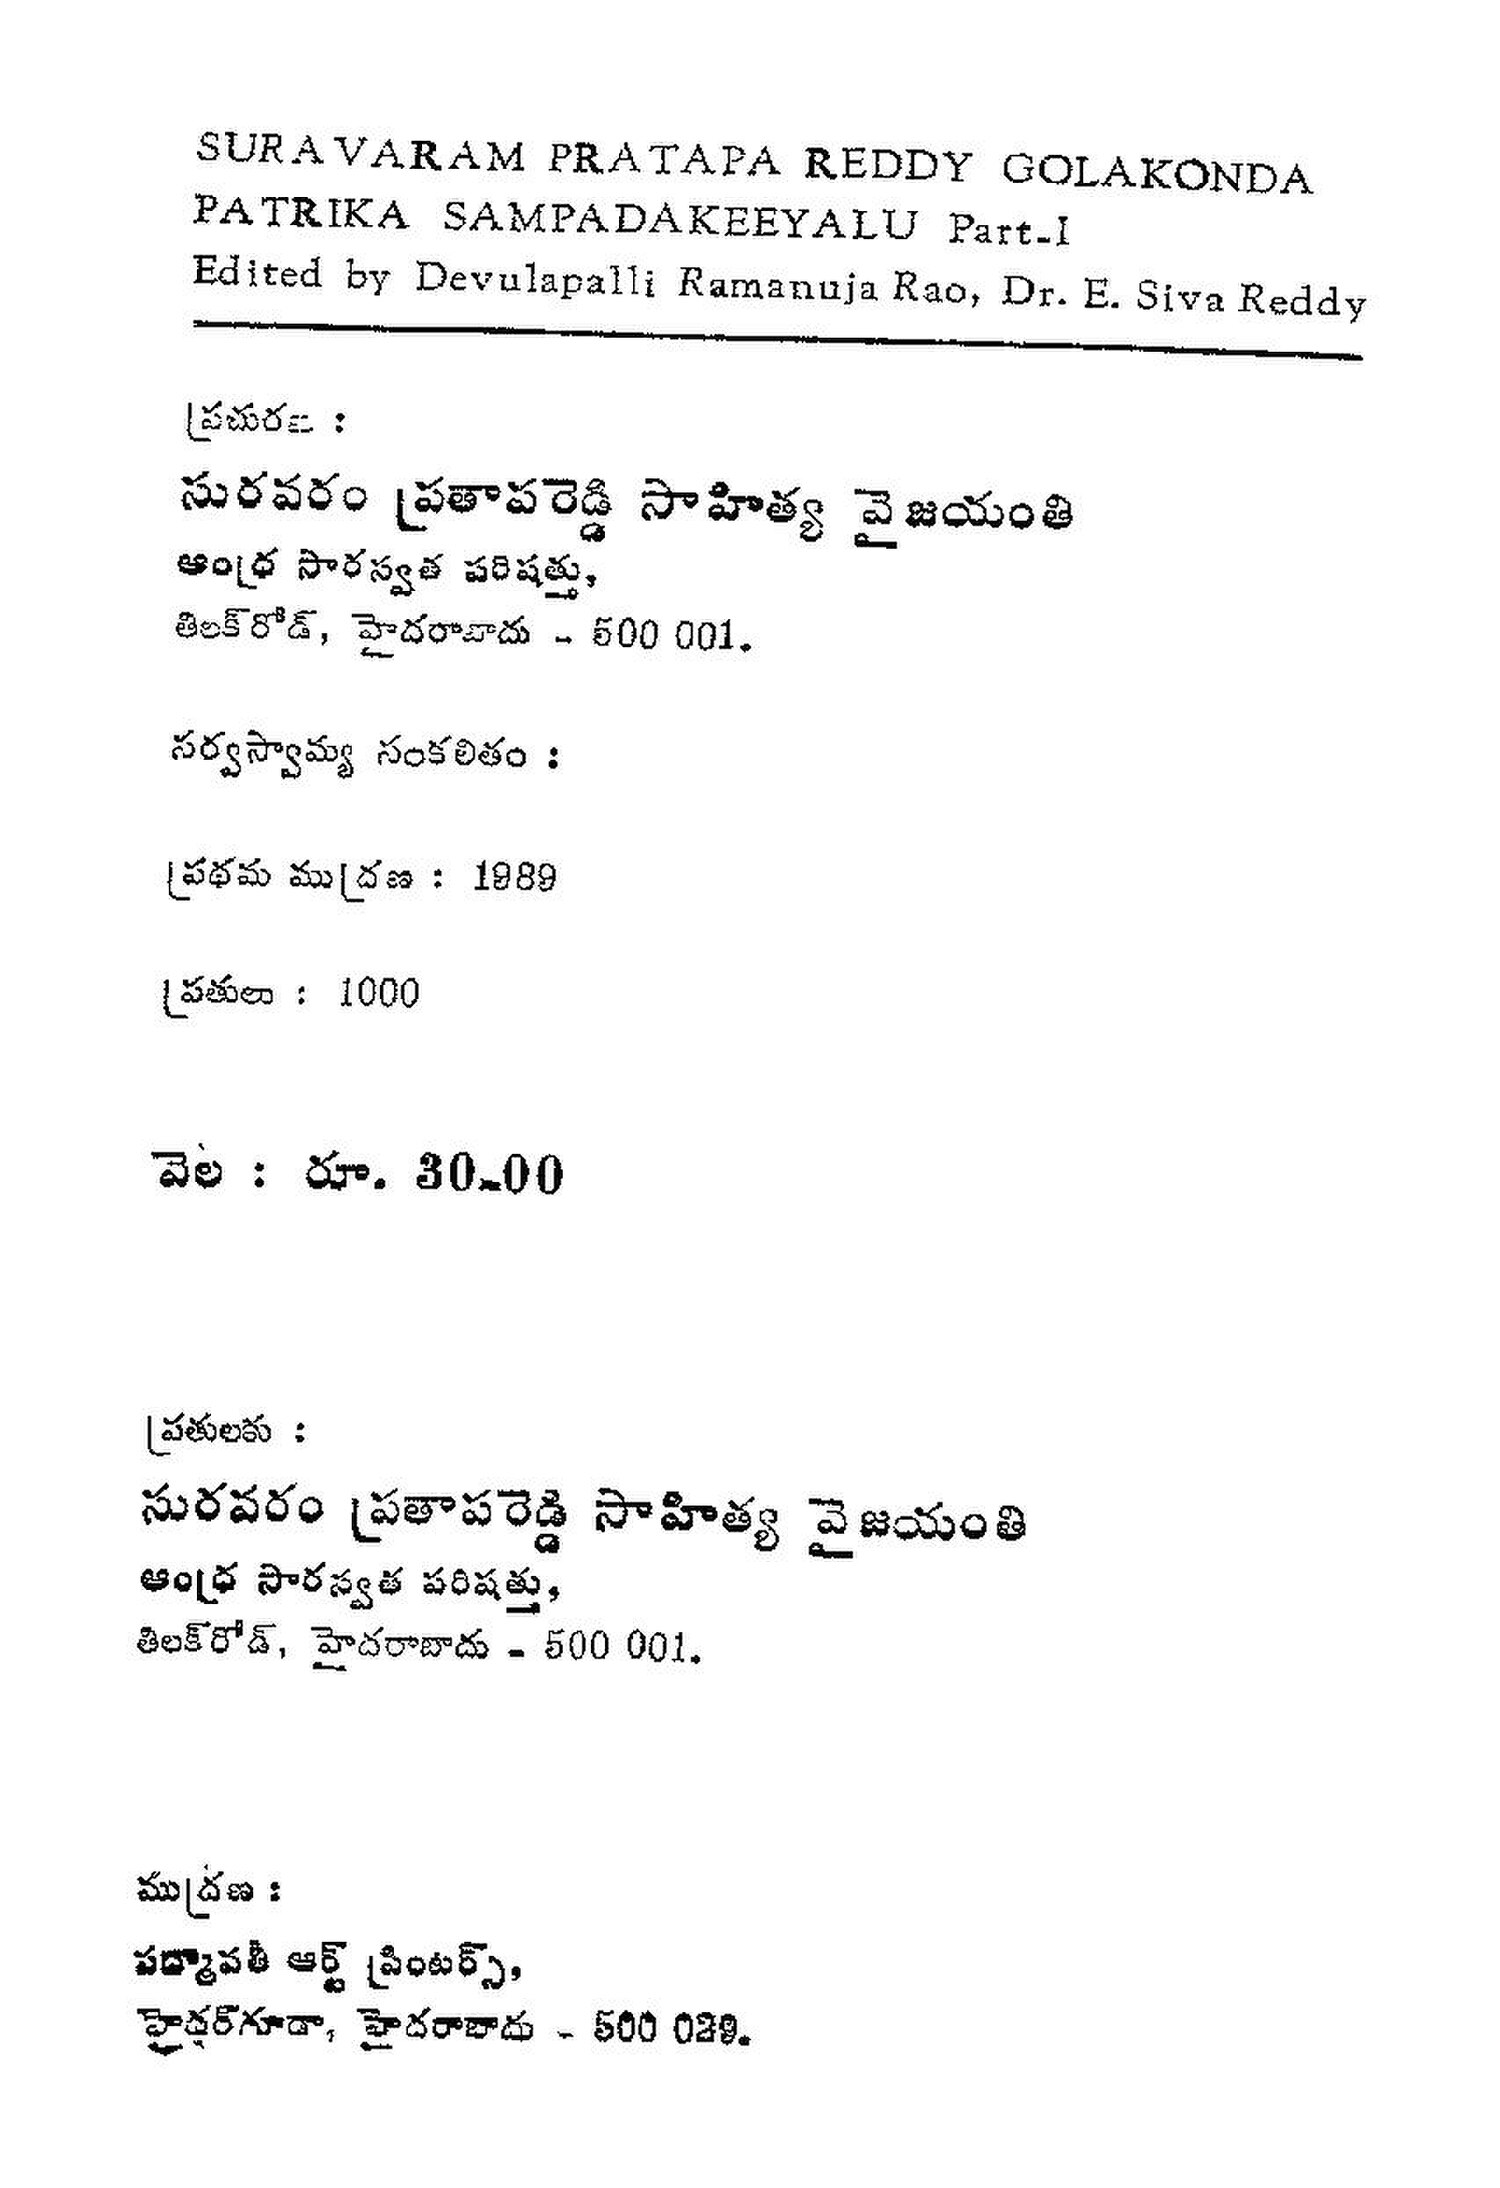ప్రచురణ :
సురవరం ప్రతాపరెడ్డి సాహిత్య వైజయంతి
ఆంధ్ర సారస్వత పరిషత్తు,
తిలక్ రోడ్, హైదరాబాదు - 500 001

సర్వస్వామ్య సంకలితం :

ప్రథమ ముద్రణ : 1989

ప్రతులు : 1000

వెల: రూ. 30-00

ప్రతులకు :
సురవరం ప్రతాపరెడ్డి సాహిత్య వైజయంతి
ఆంధ్ర సారస్వత పరిషత్తు,
తిలక్‌రోడ్, హైదరాబాదు - 500 001.

ముద్రణ :
పద్మావతీ ఆర్ట్ ప్రింటర్స్,
హైదర్‌గూడా, హైదరాబాదు - 500 029.